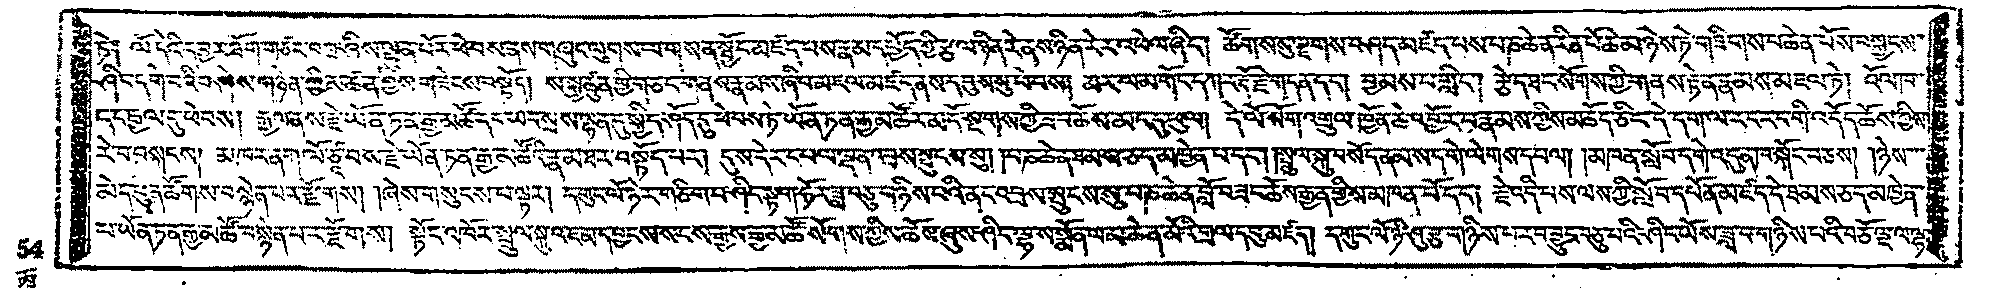ཏེ། ལོ་དེའི་དབྱར་ཐོག་གཙང་བཀྲ་ཤིས་ལྷུན་པོར་ཕེབས་ནས་གཞུང་ལུགས་ལ་གསན་སྦྱོང་མཛད་པས་རྣམ་དཔྱོད་ཀྱི་རྩལ་ཉིན་རེ་ནས་ཉིན་རེར་འཕེལ་ཞིང་། ཚོགས་སུ་ལྗགས་བཤད་མཛད་པས་པཎ་ཆེན་རིན་པོ་ཆེ་མཉེས་ཏེ་གཟིགས་པ་ཆེན་པོས་བསྐྱངས་
ཤིང་དགེ་བའི་བཤེས་གཉེན་གྱི་མཚན་གྱིས་གཟེངས་བསྟོད། ས་སྐྱ་ཚུན་གྱི་གཅང་གནས་རྣམས་ཞིབ་མཇལ་མཛད་ནས་དབུས་སུ་ཕེབས། མར་ལམ་གོང་དཀར་རྡོ་རྗེ་གདན་དང་། བྱམས་པ་གླིང་། རྩེད་ཐང་སོགས་ཀྱི་གནས་རྟེན་རྣམས་མཇལ་ཏེ། འོལ་ཁ་
དང་རྒྱལ་དུ་ཕེབས། རྒྱལ་ནས་རྗེ་ཡོན་ཏན་རྒྱ་མཚོ་དང་ཡབ་སྲས་ལྷན་དུ་སྐྱིད་ཤོད་དུ་ཕེབས་ཏེ་ཡོན་ཏན་རྒྱ་མཚོར་མདོ་སྔགས་ཀྱི་ཟབ་ཆོས་མང་དུ་ཕུལ། དེ་ལོ་སོག་འགྲུལ་ཁྱོན་ཆེ་འབྱོར་པ་རྣམས་ཀྱིས་མཆོད་ཅིང་དེ་དག་ལ་རང་རང་གི་འདོད་ཆོས་ཀྱིས་
རེ་བ་བསྐངས། མཁར་ནག་ལོ་ཙཱ་བས་རྗེ་ཡོན་ཏན་རྒྱ་མཚོའི་རྣམ་ཐར་བསྟོད་པར། དུས་དེར་དཔལ་ལྡན་འབྲས་སྤུངས་སུ། །པཎ་ཆེན་ཐམས་ཅད་མཁྱེན་པ་དང་། །སྤྲུལ་སྐུ་བསོད་ནམས་དགེ་ལེགས་དཔལ། །མཁན་སློབ་དགེ་འདུན་ཁ་སྐོང་བཅས། །ཉེས་
མེད་ཕུན་ཚོགས་བསྙེན་པར་རྫོགས། །ཞེས་གསུངས་པ་ལྟར། དགུང་ལོ་ཉེར་གཅིག་པ་ཤིང་སྟག་ཧོར་ཟླ་བཅུ་གཉིས་པའི་ནང་འབྲས་སྤུངས་སུ་པཎ་ཆེན་བློ་བཟང་ཆོས་རྒྱན་གྱིས་མཁན་པོ་དང་། རྗེ་འདི་པས་ལས་ཀྱི་སློབ་དཔོན་མཛད་དེ་ཐམས་ཅད་མཁྱེན་
པ་ཡོན་ཏན་རྒྱ་མཚོ་བསྙེན་པར་རྫོགས། སྟོང་འཁོར་སྤྲུལ་སྐུ་འཇམ་དབྱངས་སངས་རྒྱས་རྒྱ་མཚོ་སོགས་ཀྱིས་ཆོས་ཞུས་ཤིང་ལྷ་ས་སྨོན་ལམ་ཆེན་མོའི་གྲལ་དབུ་མཛད། དགུང་ལོ་ཉི་ཤུ་རྩ་གཉིས་པ་རབ་བྱུང་བཅུ་པའི་ཤིང་ཡོས་ཟླ་བ་གཉིས་པའི་བཅོ་ལྔ་ལ་ལྷ་